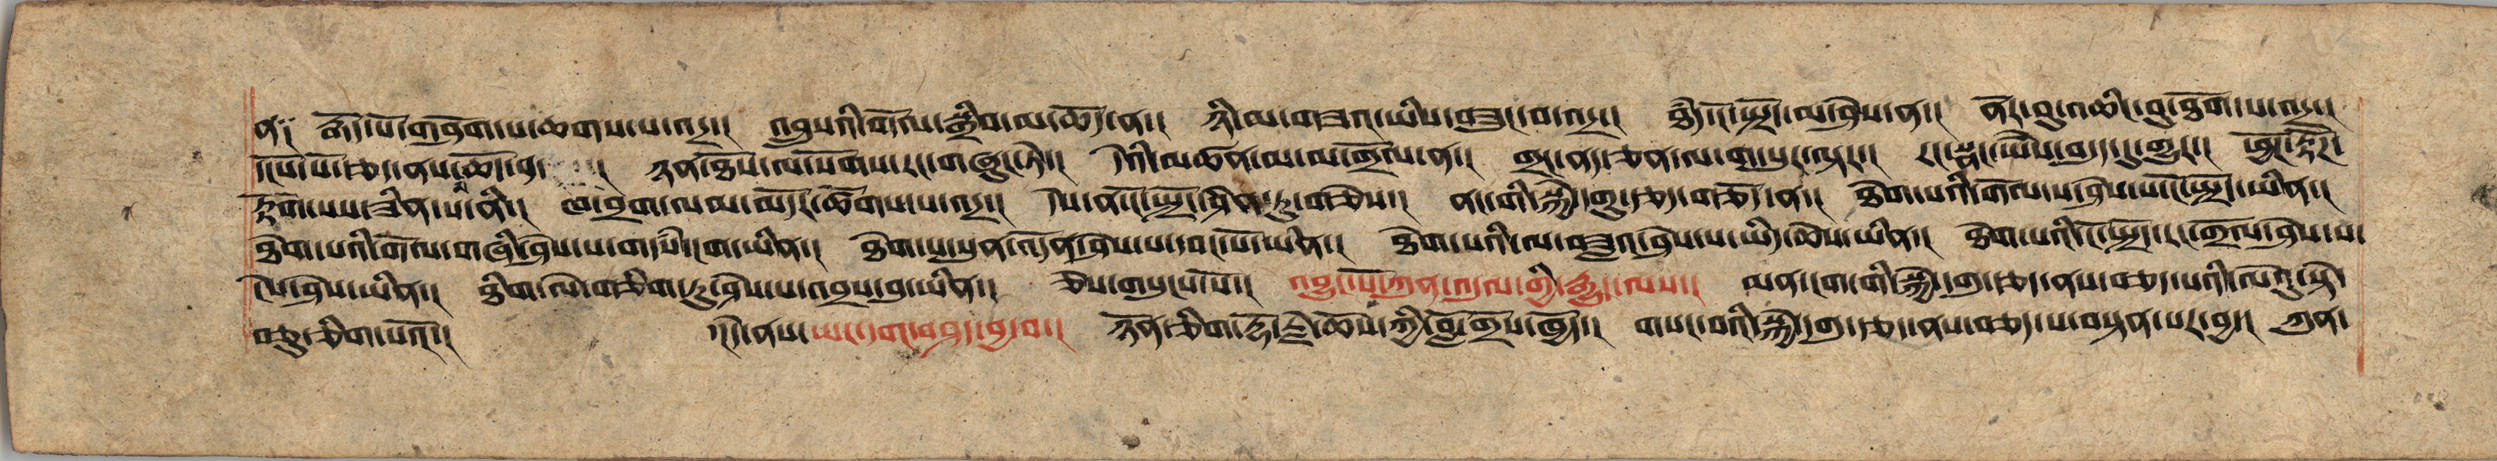ན༑ རྒོད་པོ་གཤོག་པ་ཆགས་པ་འདྲ་། འབྲུསའི་གོལ་སྒྲིབ་མ་ཆོད་ན་། ཉི་མ་གཟའ་ཡིས་བཟུང་བ་འདྲ་། ཐདཾ་ངོ་སྤྲོད་མ་ཤེས་ན་། ནོར་བུ་འཆིང་བུ་ཐོག་པ་འདྲ་།
དངོས་པོ་རྩད་ནས་མི་ཆོད་ན་ ། ཉན་ཐོས་ལ་སོགས་རང་གཞུང་ཏེ་། དེའི་མཚན་མ་མ་གྲོལ་ན་། གྲང་ནད་ཅན་ལ་ག་པུར་ལྟར་། རང་སྣང་ཡཻས་བདུད་དུ་གྱུར་། ཕྱོཌ་རྟོཌ་
རྟོག་པས་ཟིན་པ་ནི་། ཁ་བྲག་ལམ་མདོར་ཚོགས་པ་འདྲ་། དེས་ན་ངོ་སྤྲོད་ཤིན་ཏུ་གཅེས་། ནང་གི་སྐྱེ་དགུ་རྩད་གཅོད་ན་། ཐེག་པའི་གོལ་ས་ཤེས་པ་ངོ་སྤྲོད་ཡིན་།
ཐེག་པའི་གོལ་གཞི་ཤེས་པ་གདཾས་ངག་ཡིན་། ཐེག་པ་སུན་འདོན་ཤེས་པ་དབང་པོ་ཡིན་། ཐེག་པའི་ལ་བཟླའ་ཤེས་པ་ཡིད་ཆེས་ཡིན་། ཐེག་པའི་ངོ་སྤྲོད་རང་གྲོལ་ཤེས་པ་
ངེས་ཤེས་ཡིན་། ཐིག་ལེ་གཅིག་ཏུ་ཤེས་པ་འབྲས་བུ་ཡིན་། ཅེས་གསུངས་སོ་། འབྱུང་པོ་ཀུན་འདུལ་གྱི་རྒྱུད་ལས་། མན་ངག་གི་སྐྱེ་དགུ་རྩད་ནས་བཅད་པའི་ལེའུ་སྟེ་
བཅུ་ཅིག་པའོ་། ་།དཻ་ནས་ཡང་དག་བཤད་བྱ་བ་། ཉོན་ཅིག་རྡོ་རྗེ་ཆོས་ཀྱི་བློ་གྲོས་ཁྱོད་། གསང་བའི་སྐྱེ་དགུ་རྩད་ནས་བཅད་པ་བསྟན་པར་བྱ་། ཀུན་